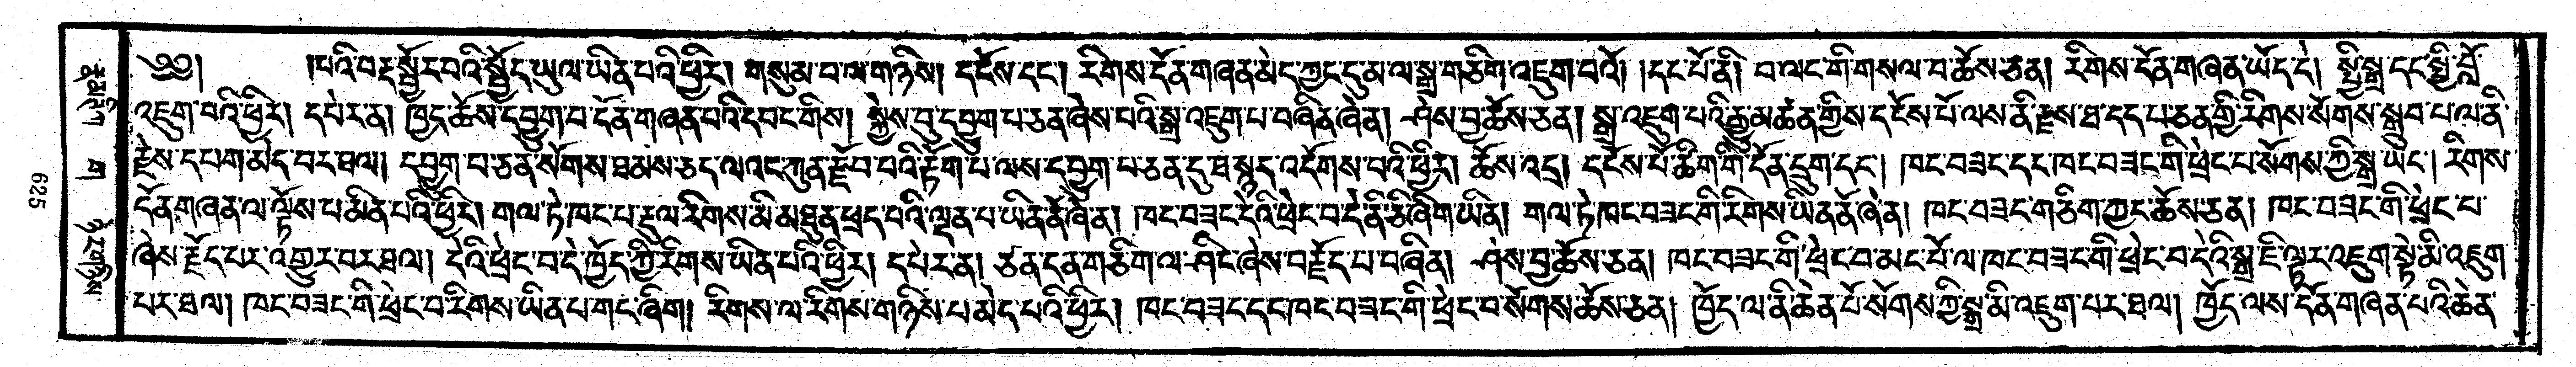༄༅། །པའི་བརྡ་སྦྱོར་བའི་སྤྱོད་ཡུལ་ཡིན་པའི་ཕྱིར། གསུམ་བ་ལ་གཉིས། དངོས་དང་། རིགས་དོན་གཞན་མེད་ཀྱང་དུ་མ་ལ་སྒྲ་གཅིག་འཇུག་བའོ། །དང་པོ་ནི། བ་ལང་གི་གསལ་བ་ཆོས་ཅན། རིགས་དོན་གཞན་ཡོད་དེ། སྤྱི་སྒྲ་དང་སྤྱི་བློ་
འཇུག་བའི་ཕྱིར། དཔེར་ན། ཁྱད་ཆོས་དབྱུག་པ་དོན་གཞན་པའི་དབང་གིས། སྐྱེས་བུ་དབྱུག་པ་ཅན་ཞེས་པའི་སྒྲ་འཇུག་པ་བཞིན་ཞེ་ན། ཤེས་བྱ་ཆོས་ཅན། སྒྲ་འཇུག་པའི་རྒྱུ་མཚན་གྱིས་དངོས་པོ་ལས་ནི་རྫས་ཐ་དད་པ་ཅན་གྱི་རིགས་སོགས་སྒྲུབ་པ་ལ་ནི་
རྗེས་དཔག་མེད་བར་ཐལ། དབྱག་པ་ཅན་སོགས་ཐམས་ཅད་ལའང་ཀུན་རྫོབ་བའི་རྟོག་པ་ལས་དབྱུག་པ་ཅན་དུ་ཐ་སྙད་འདོགས་པའི་ཕྱིར། ཆོས་འདྲ། དངོས་པོ་ཚིག་གི་དོན་དྲུག་དང་། ཁང་བཟང་དང་ཁང་བཟང་གི་ཕྲེང་པ་སོགས་ཀྱི་སྒྲ་ཡང་། རིགས་
དོན་གཞན་ལ་ལྟོས་པ་མིན་པའི་ཕྱིར། གལ་ཏེ་ཁང་པ་རྡུལ་རིགས་མི་མཐུན་ཕྲད་པའི་ལྡན་པ་ཡིན་ནོ་ཞེ་ན། ཁང་བཟང་དེའི་ཕྲེང་བ་དེ་ནི་ཅི་ཞིག་ཡིན། གལ་ཏེ་ཁང་བཟང་གི་རིགས་ཡིན་ནོ་ཞེ་ན། ཁང་བཟང་གཅིག་ཀྱང་ཆོས་ཅན། ཁང་བཟང་གི་ཕྲེང་པ་
ཞེས་རྗོད་པར་འགྱུར་བར་ཐལ། དེའི་ཕྲེང་བ་དེ་ཁྱོད་ཀྱི་རིགས་ཡིན་པའི་ཕྱིར། དཔེར་ན། ཙན་དན་གཅིག་ལ་ཤིང་ཞེས་བརྗོད་པ་བཞིན། ཤེས་བྱ་ཆོས་ཅན། ཁང་བཟང་གི་ཕྲེང་བ་མང་པོ་ལ་ཁང་བཟང་གི་ཕྲེང་བ་དེའི་སྒྲ་ཇི་ལྟར་འཇུག་སྟེ་མི་འཇུག་
པར་ཐལ། ཁང་བཟང་གི་ཕྲེང་བ་རིགས་ཡིན་པ་གང་ཞིག། རིགས་ལ་རིགས་གཉིས་པ་མེད་པའི་ཕྱིར། ཁང་བཟང་དང་ཁང་བཟང་གི་ཕྲེང་བ་སོགས་ཆོས་ཅན། ཁྱོད་ལ་ནི་ཆེན་པོ་སོགས་ཀྱི་སྒྲ་མི་འཇུག་པར་ཐལ། ཁྱོད་ལས་དོན་གཞན་པའི་ཆེན་